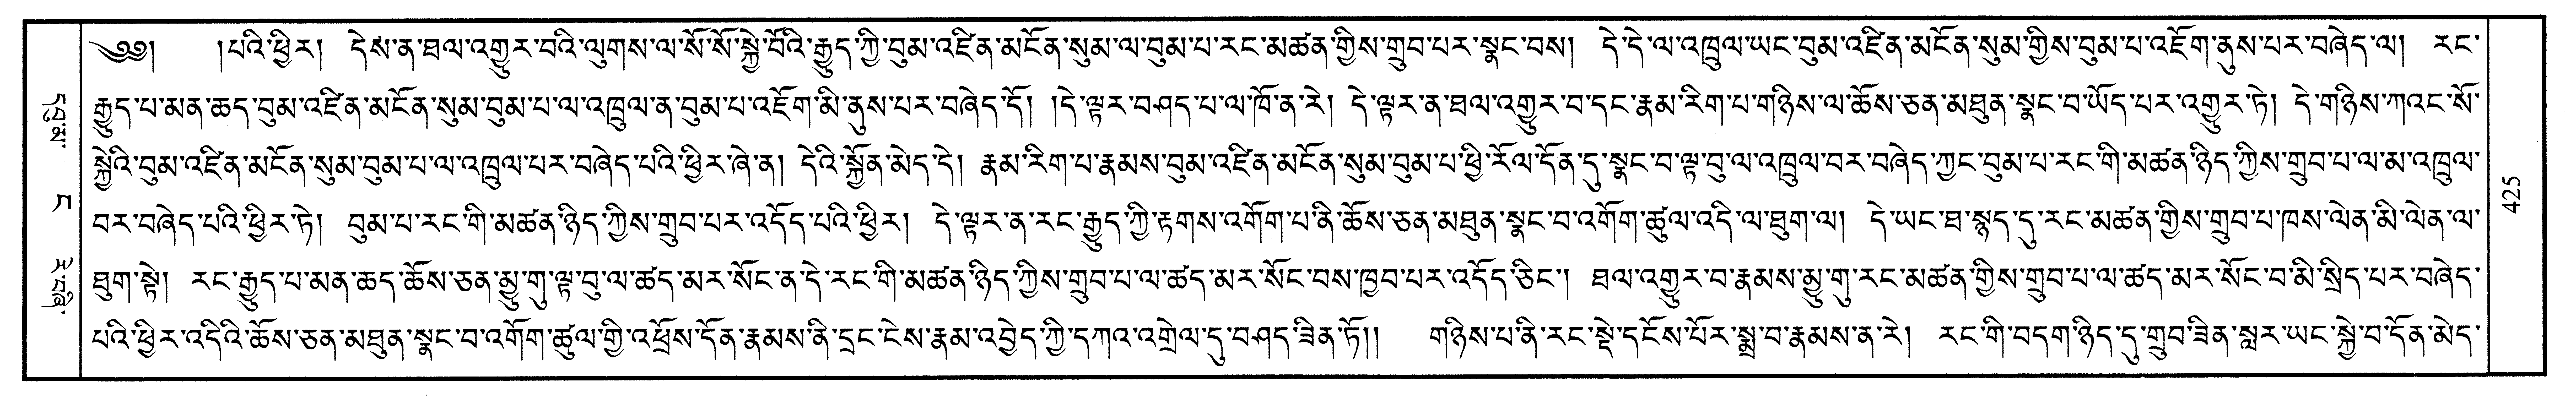༄༅། །པའི་ཕྱིར། དེས་ན་ཐལ་འགྱུར་བའི་ལུགས་ལ་སོ་སོ་སྐྱེ་བོའི་རྒྱུད་ཀྱི་བུམ་འཛིན་མངོན་སུམ་ལ་བུམ་པ་རང་མཚན་གྱིས་གྲུབ་པར་སྣང་བས། དེ་དེ་ལ་འཁྲུལ་ཡང་བུམ་འཛིན་མངོན་སུམ་གྱིས་བུམ་པ་འཇོག་ནུས་པར་བཞེད་ལ། རང་
རྒྱུད་པ་མན་ཆད་བུམ་འཛིན་མངོན་སུམ་བུམ་པ་ལ་འཁྲུལ་ན་བུམ་པ་འཇོག་མི་ནུས་པར་བཞེད་དོ། །དེ་ལྟར་བཤད་པ་ལ་ཁོ་ན་རེ། དེ་ལྟར་ན་ཐལ་འགྱུར་བ་དང་རྣམ་རིག་པ་གཉིས་ལ་ཆོས་ཅན་མཐུན་སྣང་བ་ཡོད་པར་འགྱུར་ཏེ། དེ་གཉིས་ཀའང་སོ་
སྐྱེའི་བུམ་འཛིན་མངོན་སུམ་བུམ་པ་ལ་འཁྲུལ་པར་བཞེད་པའི་ཕྱིར་ཞེ་ན། དེའི་སྐྱོན་མེད་དེ། རྣམ་རིག་པ་རྣམས་བུམ་འཛིན་མངོན་སུམ་བུམ་པ་ཕྱི་རོལ་དོན་དུ་སྣང་བ་ལྟ་བུ་ལ་འཁྲུལ་བར་བཞེད་ཀྱང་བུམ་པ་རང་གི་མཚན་ཉིད་ཀྱིས་གྲུབ་པ་ལ་མ་འཁྲུལ་
བར་བཞེད་པའི་ཕྱིར་ཏེ། བུམ་པ་རང་གི་མཚན་ཉིད་ཀྱིས་གྲུབ་པར་འདོད་པའི་ཕྱིར། དེ་ལྟར་ན་རང་རྒྱུད་ཀྱི་རྟགས་འགོག་པ་ནི་ཆོས་ཅན་མཐུན་སྣང་བ་འགོག་ཚུལ་འདི་ལ་ཐུག་ལ། དེ་ཡང་ཐ་སྙད་དུ་རང་མཚན་གྱིས་གྲུབ་པ་ཁས་ལེན་མི་ལེན་ལ་
ཐུག་སྟེ། རང་རྒྱུད་པ་མན་ཆད་ཆོས་ཅན་མྱུ་གུ་ལྟ་བུ་ལ་ཚད་མར་སོང་ན་དེ་རང་གི་མཚན་ཉིད་ཀྱིས་གྲུབ་པ་ལ་ཚད་མར་སོང་བས་ཁྱབ་པར་འདོད་ཅིང་། ཐལ་འགྱུར་བ་རྣམས་མྱུ་གུ་རང་མཚན་གྱིས་གྲུབ་པ་ལ་ཚད་མར་སོང་བ་མི་སྲིད་པར་བཞེད་
པའི་ཕྱིར་འདིའི་ཆོས་ཅན་མཐུན་སྣང་བ་འགོག་ཚུལ་གྱི་འཕྲོས་དོན་རྣམས་ནི་དྲང་ངེས་རྣམ་འབྱེད་ཀྱི་དཀའ་འགྲེལ་དུ་བཤད་ཟིན་ཏོ།། གཉིས་པ་ནི་རང་སྡེ་དངོས་པོར་སྨྲ་བ་རྣམས་ན་རེ། རང་གི་བདག་ཉིད་དུ་གྲུབ་ཟིན་སླར་ཡང་སྐྱེ་བ་དོན་མེད་